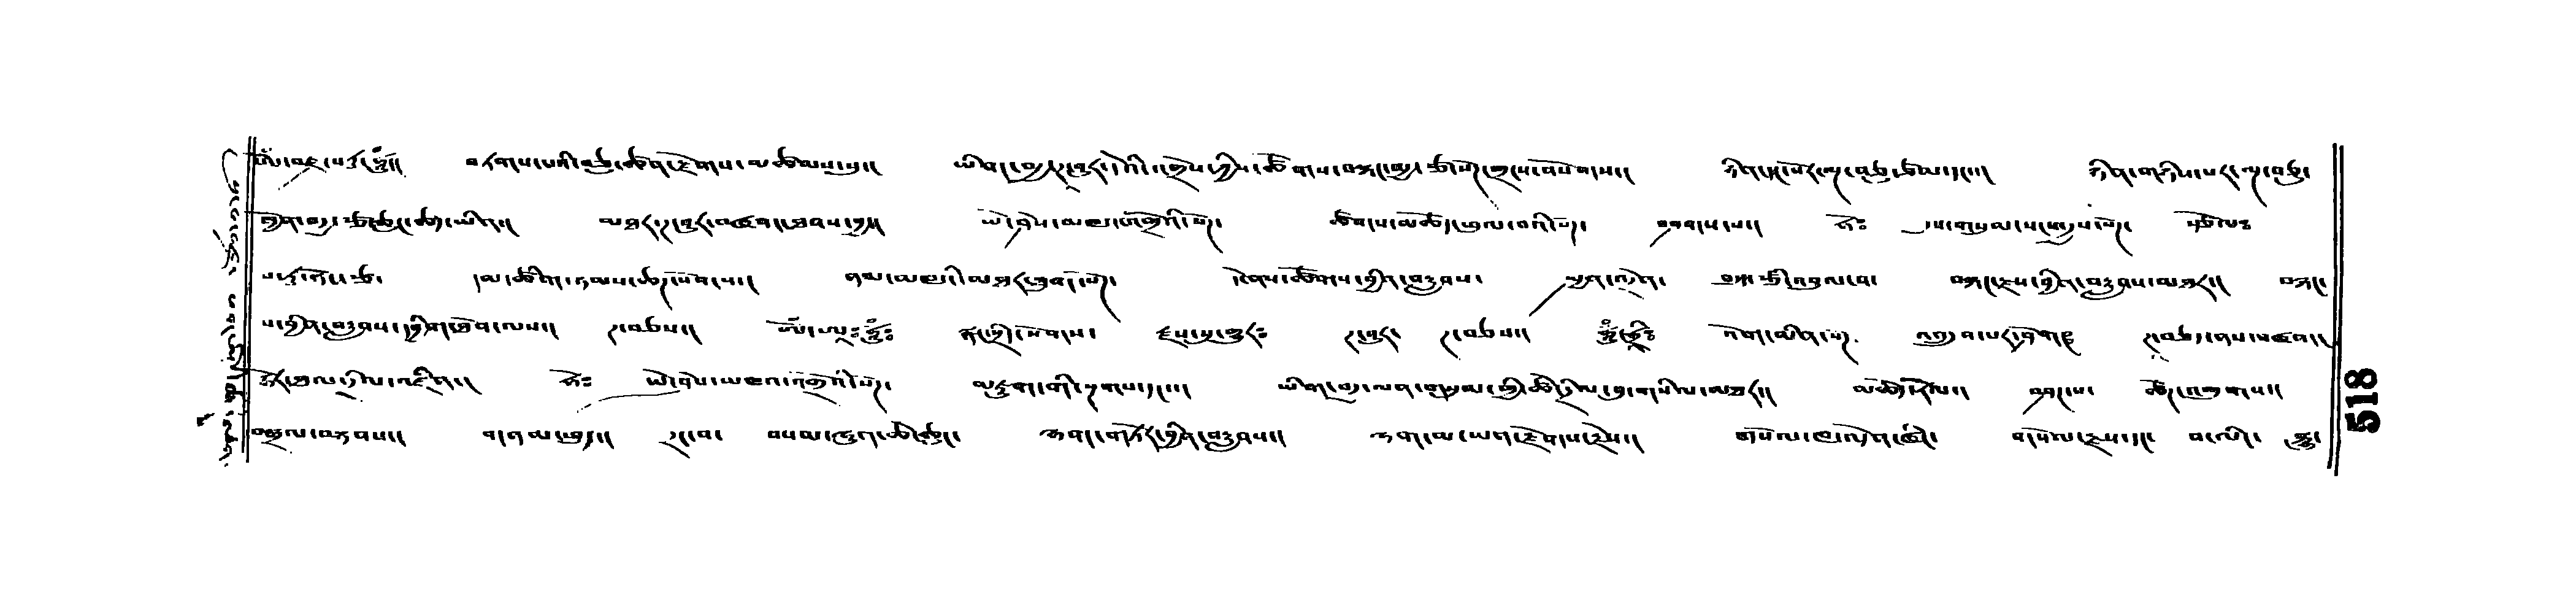ཨོཾ་བཛྲ་སརྦ་ཧཱུྃ༔ བཏགས་པའི་བཅུ་ཚན་རྫོགས་མཚམས་སུ། ཡིག་བརྒྱ་ཌཱ་འུར་དེའི་འགྲོས་ཀྱིས་ཚོགས་བསྐང་བརྒྱ་རྩ་སོགས་གྲངས་བསོག ཉིན་དང་པོར་ལྔ་བཅུ་ཙམ་དང་། ཉིན་གཉིས་པར་ལྔ་བཅུ། 
ཁྱོན་བརྒྱ་རྩ་ཚུན་ཆད་ཡིན། མཐར་ཌཱ་འུར་བཞག་ཐབས་བྱ། ཡེ་ཤེས་མཁའ་འགྲོའི་སོགས། ཚོགས་མཆོད་ཕུལ་བའི་སོགས། བཤགས་པ། ཧོཿ དུས་གསུམ་སངས་རྒྱས་སོགས། སྩོལ༔ 
ས་ཏྭ་སྟོང་རྩ། དམ་ཚིག་ཉམས་ཆགས་སོགས། ནམ་མཁའི་མཐར་ཐུག་སོགས། དེ་ནས་ཚོགས་བྱིན་བརླབས། སྤྱན་འདྲེན། བདུད་རྩི་འབུལ་བ། བསྐང་རྫས་བྱིན་བརླབས་མཐར། བསྐང་
པ་བྱིན་བརླབས་དབྱིག་ཐོབ་ལས། ཌཱ་བཅས། ཨོཾ་ཨཱཿཧཱུྃ༔ སྣང་སྲིད་སོགས། རྫས་སུ་གྱུར༔ ཌཱ་འུར། ཌཱ་བཅས། ཧཱུྃ་ཧྲཱིཿ འོག་མིན་སོགས། འགྲུབ་པར་ཤོག༔ ཌཱ་བཅད་ནས་བཞག 
རྡོར་ཐལ་དྲིལ་འཛིན། ཧོཿ ཡེ་ཤེས་མཁའ་འགྲོའི་སོགས། མཇུག་གི་སྔགས་དང་། ཡིག་བརྒྱ་ལན་གསུམ་གྱི་ཚེ་དྲིལ་བུ་གསིལ་མཐར། མཆོད་རོལ། བཤགས་པ། ཚོགས་འགུགས། 
བསྒྲལ་བསྟབ། གནམ་ཕུད། དྲང་བ། བསམ་ལྷུན་ཆེ་ཆུང་། ལྷག་གཏོར་བྱིན་བརླབས། ལྷག་མ་ཡན་རྫོགས་རྗེས། གསོལ་ཁ་འདོན་ཞིང་། གསོལ་རྫས་དང་། བ་ལིང་། སྐྱུ་གུ་ཅི་